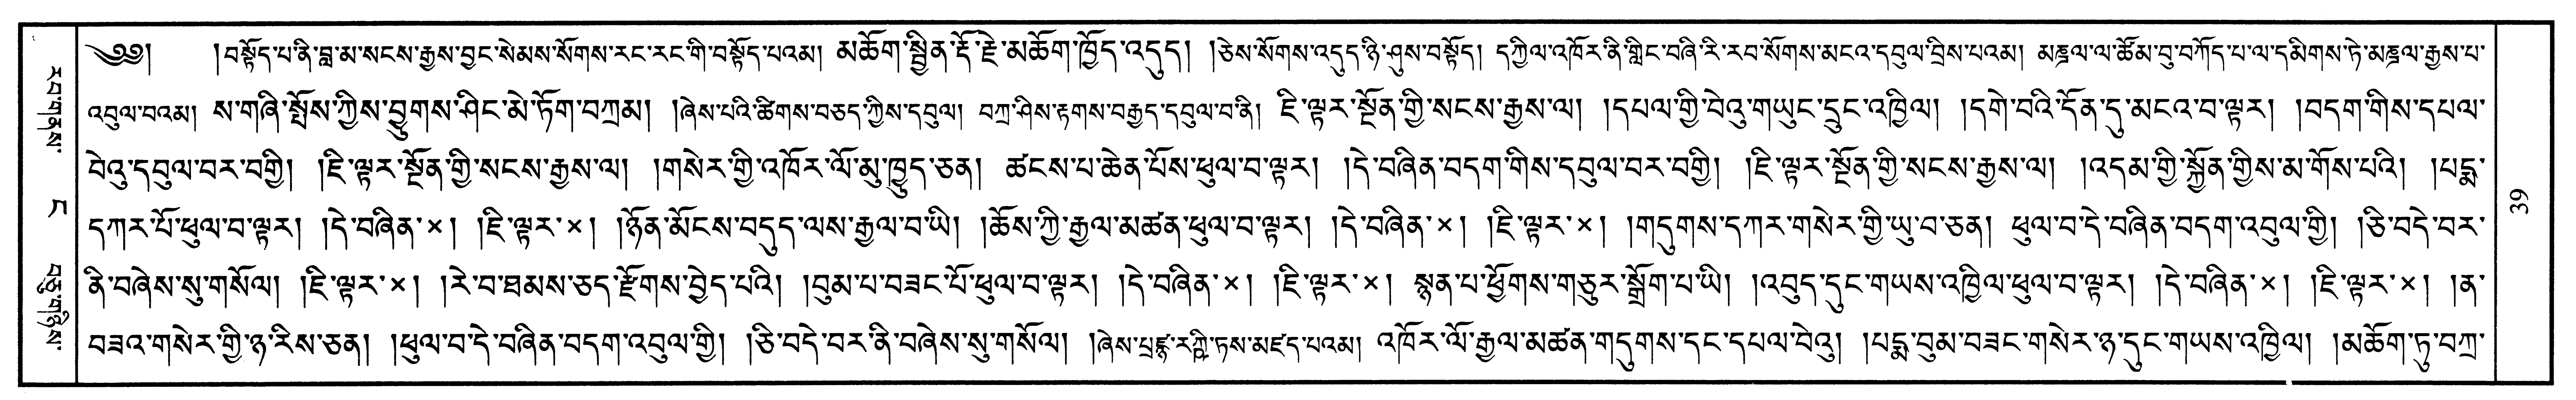༄༅། །བསྟོད་པ་ནི་བླ་མ་སངས་རྒྱས་བྱང་སེམས་སོགས་རང་རང་གི་བསྟོད་པའམ། མཆོག་སྦྱིན་རྡོ་རྗེ་མཆོག་ཁྱོད་འདུད། །ཅེས་སོགས་འདུད་ཉི་ཤུས་བསྟོད། དཀྱིལ་འཁོར་ནི་གླིང་བཞི་རི་རབ་སོགས་མངའ་དབུལ་བྲིས་པའམ། མཎྜལ་ལ་ཚོམ་བུ་བཀོད་པ་ལ་དམིགས་ཏེ་མཎྜལ་རྒྱས་པ་
འབུལ་བའམ། ས་གཞི་སྤོས་ཀྱིས་བྱུགས་ཤིང་མེ་ཏོག་བཀྲམ། །ཞེས་པའི་ཚིགས་བཅད་ཀྱིས་དབུལ། བཀྲ་ཤིས་རྟགས་བརྒྱད་དབུལ་བ་ནི། ཇི་ལྟར་སྔོན་གྱི་སངས་རྒྱས་ལ། །དཔལ་གྱི་བེའུ་གཡུང་དྲུང་འཁྱིལ། །དགེ་བའི་དོན་དུ་མངའ་བ་ལྟར། །བདག་གིས་དཔལ་
བེའུ་དབུལ་བར་བགྱི། །ཇི་ལྟར་སྔོན་གྱི་སངས་རྒྱས་ལ། །གསེར་གྱི་འཁོར་ལོ་མུ་ཁྱུད་ཅན། ཚངས་པ་ཆེན་པོས་ཕུལ་བ་ལྟར། །དེ་བཞིན་བདག་གིས་དབུལ་བར་བགྱི། །ཇི་ལྟར་སྔོན་གྱི་སངས་རྒྱས་ལ། །འདམ་གྱི་སྐྱོན་གྱིས་མ་གོས་པའི། །པདམ་
དཀར་པོ་ཕུལ་བ་ལྟར། །དེ་བཞིན་྾། །ཇི་ལྟར་྾། །ཉོན་མོངས་བདུད་ལས་རྒྱལ་བ་ཡི། །ཆོས་ཀྱི་རྒྱལ་མཚན་ཕུལ་བ་ལྟར། །དེ་བཞིན་྾། །ཇི་ལྟར་྾། །གདུགས་དཀར་གསེར་གྱི་ཡུ་བ་ཅན། ཕུལ་བ་དེ་བཞིན་བདག་འབུལ་གྱི། །ཅི་བདེ་བར་
ནི་བཞེས་སུ་གསོལ། །ཇི་ལྟར་྾། །རེ་བ་ཐམས་ཅད་རྫོགས་བྱེད་པའི། །བུམ་པ་བཟང་པོ་ཕུལ་བ་ལྟར། །དེ་བཞིན་྾། །ཇི་ལྟར་྾། སྙན་པ་ཕྱོགས་གཅུར་སྒྲོག་པ་ཡི། །འབུད་དུང་གཡས་འཁྱིལ་ཕུལ་བ་ལྟར། །དེ་བཞིན་྾། །ཇི་ལྟར་྾། །ན་
བཟའ་གསེར་གྱི་ཉ་རིས་ཅན། །ཕུལ་བ་དེ་བཞིན་བདག་འབུལ་གྱི། །ཅི་བདེ་བར་ནི་བཞེས་སུ་གསོལ། །ཞེས་པྲཛྙ་རཀྵི་ཏས་མཛད་པའམ། འཁོར་ལོ་རྒྱལ་མཚན་གདུགས་དང་དཔལ་བེའུ། །པདམ་བུམ་བཟང་གསེར་ཉ་དུང་གཡས་འཁྱིལ། །མཆོག་ཏུ་བཀྲ་